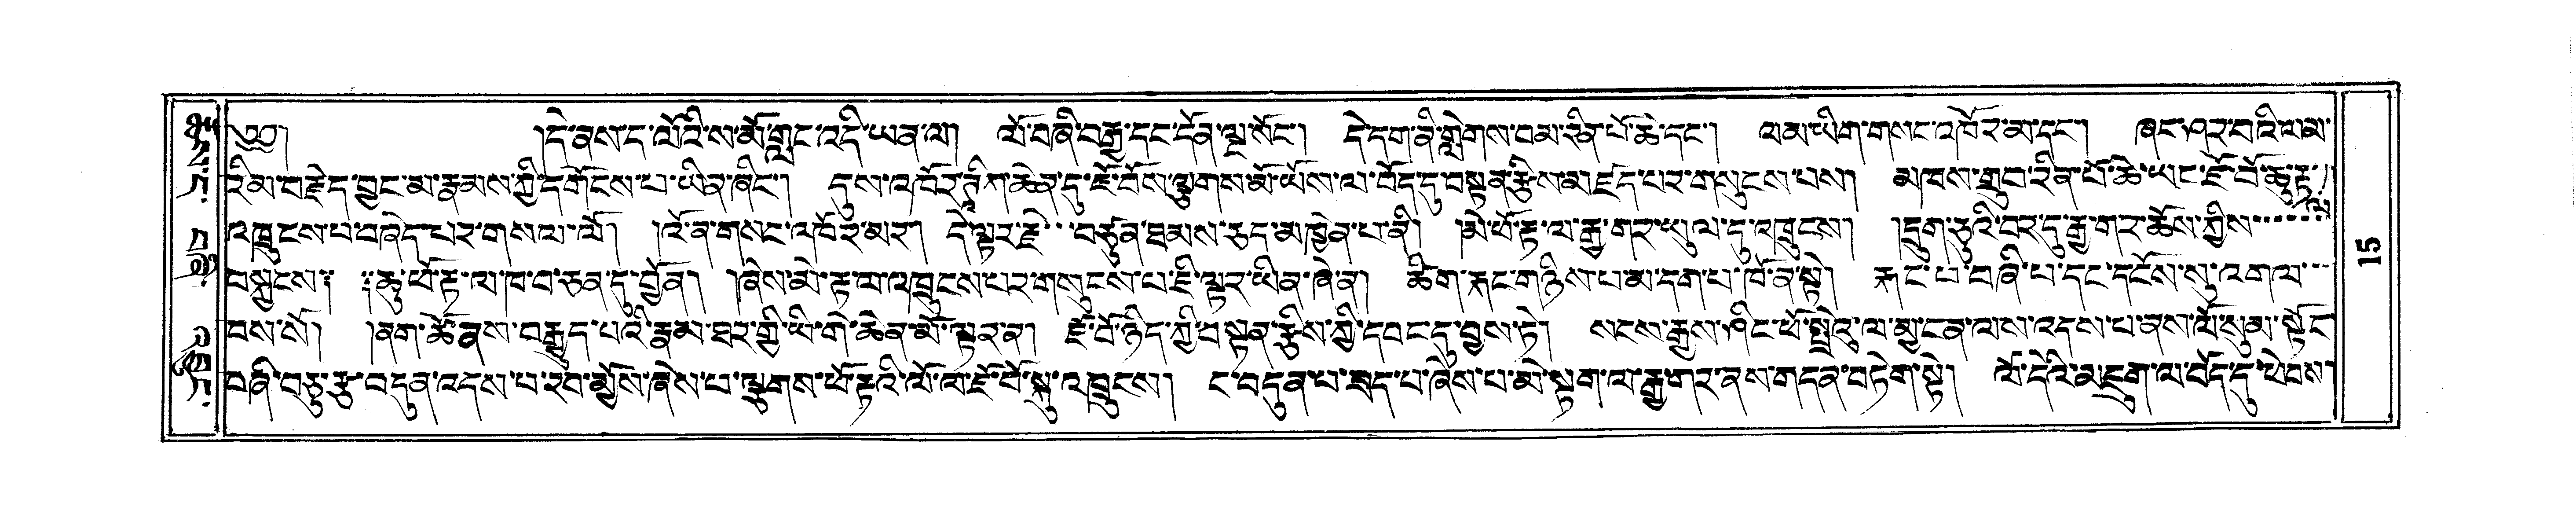༄༅། །དེ་ནས་ད་ལོའི་ས་མོ་གླང་འདི་ཡན་ལ། ལོ་བཞི་བརྒྱ་དང་དོན་ལྔ་སོང་། དེ་དག་ནི་གླེགས་བམ་རིན་པོ་ཆེ་དང་། ལམ་ཡིག་གསང་འཁོར་མ་དང་། ཞང་ཤར་བའི་ལམ་
རིམ་བརྗེད་བྱང་མ་རྣམས་ཀྱི་དགོངས་པ་ཡིན་ཞིང་། དུས་འཁོར་ཊཱི་ཀ་ཆེན་དུ་ཇོ་བོས་ལྕགས་མོ་ཡོས་ལ་བོད་དུ་བསྟན་རྩིས་མཛད་པར་གསུངས་པས། མཁས་གྲུབ་རིན་པོ་ཆེ་ཡང་ཇོ་བོ་ཆུ་རྟ་ལ་
འཁྲུངས་པ་བཞེད་པར་གསལ་ལོ། །འོ་ན་གསང་འཁོར་མར། དེ་ལྟར་རྗེ་བཙུན་ཐམས་ཅད་མཁྱེན་པ་ནི། །མེ་ཕོ་རྟ་ལ་རྒྱ་གར་ཡུལ་དུ་འཁྲུངས། །དྲུག་ཅུའི་བར་དུ་རྒྱ་གར་ཆོས་ཀྱིས་
བསྐྱངས༑ ༑ཆུ་ཕོ་རྟ་ལ་ཁ་བ་ཅན་དུ་བྱོན། །ཞེས་མེ་རྟ་ལ་འཁྲུངས་པར་གསུངས་པ་ཇི་ལྟར་ཡིན་ཞེ་ན། ཚིག་རྐང་གཉིས་པ་མ་དག་པ་ཁོ་ན་སྟེ། རྐང་པ་བཞི་པ་དང་དངོས་སུ་འགལ་
བས་སོ། །ནག་ཚོ་ནས་བརྒྱུད་པའི་རྣམ་ཐར་གྱི་ཡི་གེ་ཆེན་མོ་ལྟར་ན། ཇོ་བོ་ཉིད་ཀྱི་བསྟན་རྩིས་ཀྱི་དབང་དུ་བྱས་ཏེ། སངས་རྒྱས་ཤིང་ཕོ་སྤྲེའུ་ལ་མྱ་ངན་ལས་འདས་པ་ནས་ལོ་སུམ་སྟོང་
བཞི་བཅུ་རྩ་བདུན་འདས་པ་རབ་མྱོས་ཞེས་པ་ལྕགས་ཕོ་རྟའི་ལོ་ལ་ཇོ་བོ་སྐུ་འཁྲུངས། ང་བདུན་པ་ཟད་པ་ཞེས་པ་མེ་སྟག་ལ་རྒྱ་གར་ནས་གདན་བཏེག་སྟེ། ལོ་དེའི་མཇུག་ལ་བོད་དུ་ཕེབས་